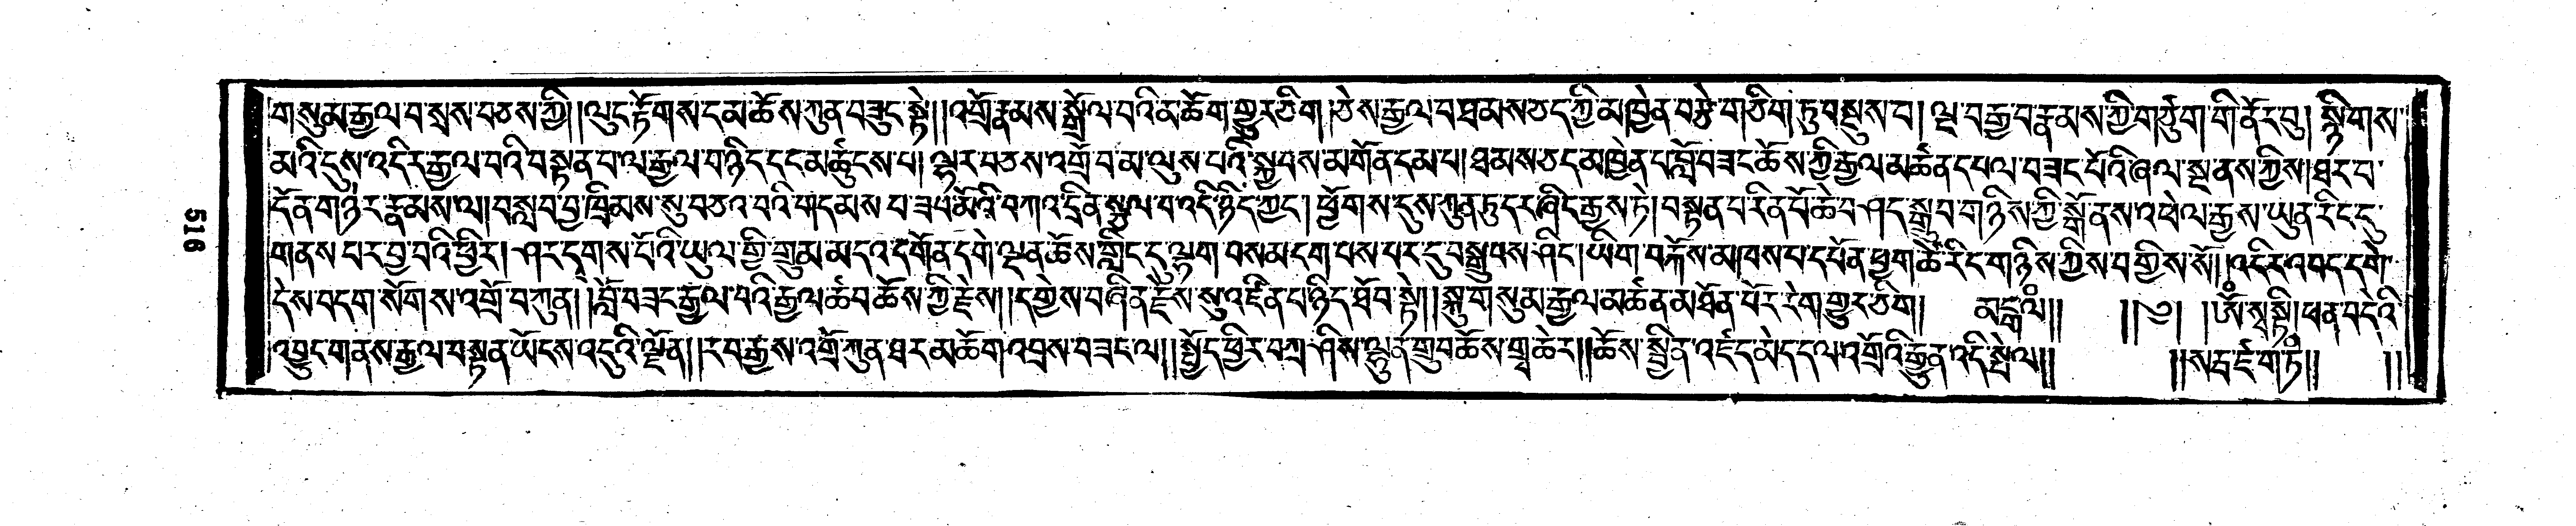གསུམ་རྒྱལ་བ་སྲས་བཅས་ཀྱི། །ལུང་རྟོགས་དམ་ཆོས་ཀུན་བཟུང་སྟེ། །འགྲོ་རྣམས་སྒྲོལ་བའི་མཆོག་གྱུར་ཅིག །ཅེས་རྒྱལ་བ་ཐམས་ཅད་ཀྱི་མཁྱེན་བརྩེ་གཅིག་ཏུ་བསྡུས་པ། ལྔ་བརྒྱ་པ་རྣམས་ཀྱི་གཙུག་གི་ནོར་བུ། སྙིགས་
མའི་དུས་འདིར་རྒྱལ་བའི་བསྟན་པ་ལ་རྒྱལ་བ་ཉིད་དང་མཚུངས་པ། ལྷར་བཅས་འགྲོ་བ་མ་ལུས་པའི་སྐྱབས་མགོན་དམ་པ། ཐམས་ཅད་མཁྱེན་པ་བློ་བཟང་ཆོས་ཀྱི་རྒྱལ་མཚན་དཔལ་བཟང་པོའི་ཞལ་སྔ་ནས་ཀྱིས། ཐར་པ་
དོན་གཉེར་རྣམས་ལ། བསླབ་བྱ་ཁྲིམས་སུ་བཅའ་བའི་གདམས་པ་ཟབ་མོའི་བཀའ་དྲིན་སྩལ་བ་འདི་ཉིད་ཀྱང་། ཕྱོགས་དུས་ཀུན་ཏུ་དར་ཞིང་རྒྱས་ཏེ། བསྟན་པ་རིན་པོ་ཆེ་བཤད་སྒྲུབ་གཉིས་ཀྱི་སྒོ་ནས་འཕེལ་རྒྱས་ཡུན་རིང་དུ་
གནས་པར་བྱ་བའི་ཕྱིར། ཤར་དྭགས་པོའི་ཡུལ་གྱི་གྲུམ་མདའ་དགོན་དགེ་ལྡན་ཆོས་གླིང་དུ་ལྷག་བསམ་དག་པས་པར་དུ་བསྒྲུབས་ཤིང་། ཡིག་བརྐོས་མཁས་པ་དཔོན་ཕྱག་ཚེ་རིང་གཉིས་ཀྱིས་བགྱིས་སོ། །འདིར་འབད་དགེ་
དེས་བདག་སོགས་འགྲོ་བ་ཀུན། །བློ་བཟང་རྒྱལ་བའི་རྒྱལ་ཚབ་ཆོས་ཀྱི་རྗེས། །དགྱེས་བཞིན་རྗེས་སུ་འཛིན་པ་ཉིད་ཐོབ་སྟེ། །སྐུ་གསུམ་རྒྱལ་མཚན་མཐོན་པོར་རེག་གྱུར་ཅིག །མངྒ་ལཾ།། །།༄༅། །ཨོཾ་སྭསྟི། ཕན་བདེའི་
འབྱུང་གནས་རྒྱལ་བསྟན་ཡོངས་འདུའི་ལྗོན། །རབ་རྒྱས་འགྲོ་ཀུན་ཐར་མཆོག་འབྲས་བཟང་ལ། །སྤྱོད་ཕྱིར་བཀྲ་ཤིས་ལྷུན་གྲུབ་ཆོས་གྲྭ་ཆེར། །ཆོས་སྦྱིན་འཛད་མེད་དལ་འགྲོའི་རྒྱུན་འདི་སྤེལ།། །།སརྦ་ཛ་ག་ཏཾ།། །།